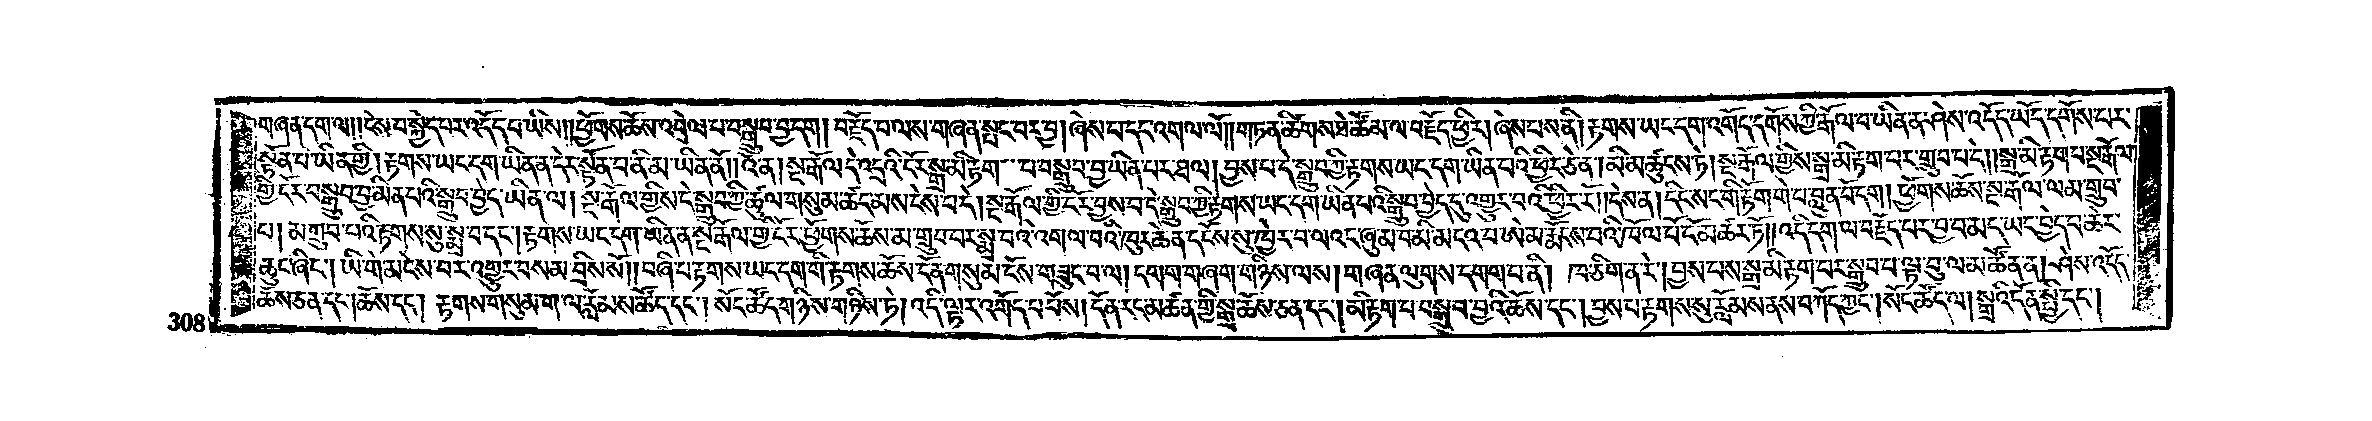གཞན་དག་ལ། །ངེས་པ་སྐྱེད་པར་འདོད་པ་ཡིས། །ཕྱོགས་ཆོས་འབྲེལ་བ་བསྒྲུབ་བྱ་དག །བརྗོད་པ་ལས་གཞན་སྤང་བར་བྱ། ཞེས་པ་དང་འགལ་ལོ། །གཏན་ཚིགས་ཐེ་ཚོམ་ལ་བརྗོད་ཕྱིར། ཞེས་པས་ནི། རྟགས་ཡང་དག་འགོད་དགོས་ཀྱི་རྒོལ་བ་ཡིན་ན་ཤེས་འདོད་ཡོད་དགོས་པར་
སྟོན་པ་ཡིན་གྱི། རྟགས་ཡང་དག་ཡིན་ན་དེར་སྟོན་པ་ནི་མ་ཡིན་ནོ། །འོ་ན། སྔ་རྒོལ་དེ་འདྲའི་ངོར་སྒྲ་མི་རྟག་པ་བསྒྲུབ་བྱ་ཡིན་པར་ཐལ། བྱས་པ་དེ་སྒྲུབ་ཀྱི་རྟགས་ཡང་དག་ཡིན་པའི་ཕྱིར་ཅེ་ན། མི་མཚུངས་ཏེ། སྔ་རྒོལ་གྱིས་སྒྲ་མི་རྟག་པར་གྲུབ་པ་དེ། །སྒྲ་མི་རྟག་པ་སྔ་རྒོལ་
གྱི་ངོར་བསྒྲུབ་བྱ་མིན་པའི་སྒྲུབ་བྱེད་ཡིན་ལ། སྔ་རྒོལ་གྱིས་དེ་སྒྲུབ་ཀྱི་ཚུལ་གསུམ་ཚད་མས་ངེས་པ་དེ། སྔ་རྒོལ་གྱི་ངོར་བྱས་པ་དེ་སྒྲུབ་ཀྱི་རྟགས་ཡང་དག་ཡིན་པའི་སྒྲུབ་བྱེད་དུ་འགྱུར་བའི་ཕྱིར་རོ། །དེས་ན། དིང་སང་གི་རྟོག་གེ་བ་བླུན་པོ་དག །ཕྱོགས་ཆོས་སྔ་རྒོལ་ལམ་གྲུབ་
པ། མ་གྲུབ་པའི་རྟགས་སུ་སྨྲ་བ་དང་། རྟགས་ཡང་དག་ཡིན་ན་སྔ་རྒོལ་གྱི་ངོར་ཕྱོགས་ཆོས་མ་གྲུབ་པར་སྨྲ་བའི་འགལ་བའི་ཁུར་ཆེན་དངོས་སུ་ཁྱེར་བ་ལའང་ཞུམ་པ་མི་མངའ་བ་ཨེ་མ་རྨོངས་པའི་ཁོལ་པོ་ངོ་མཚར་ཏོ། །འདི་དག་ལ་བརྗོད་པར་བྱ་བ་མེད་ཡང་བྱེད་པ་ཆེར་
ཆུང་ཞིང་། ཡི་གེ་མངས་བར་འགྱུར་བསམ་བྲིས་སོ། །བཞི་པ་རྟགས་ཡང་དག་གི་རྟགས་ཆོས་དོན་གསུམ་ངོས་གཟུང་བ་ལ། དགག་གཞག་གཉིས་ལས། གཞན་ལུགས་དགག་པ་ནི། ཁ་ཅིག་ན་རེ། བྱས་པས་སྒྲ་མི་རྟག་པར་སྒྲུབ་པ་ལྟ་བུ་ལ་མཚོན་ན། ཤེས་འདོད་
ཆོས་ཅན་དང་། ཆོས་དང་། རྟགས་གསུམ་ག་ལ་རློམས་ཚོད་དང་། སོང་ཚོད་གཉིས་གཉིས་ཏེ། འདི་ལྟར་འགོད་པ་པོས། དོན་རང་མཚན་གྱི་སྒྲ་ཆོས་ཅན་དང་། མི་རྟག་པ་བསྒྲུབ་བྱའི་ཆོས་དང་། བྱས་པ་རྟགས་སུ་རློམས་ནས་བཀོད་ཀྱང་། སོང་ཚོད་ལ། སྒྲའི་དོན་སྤྱི་དང་།